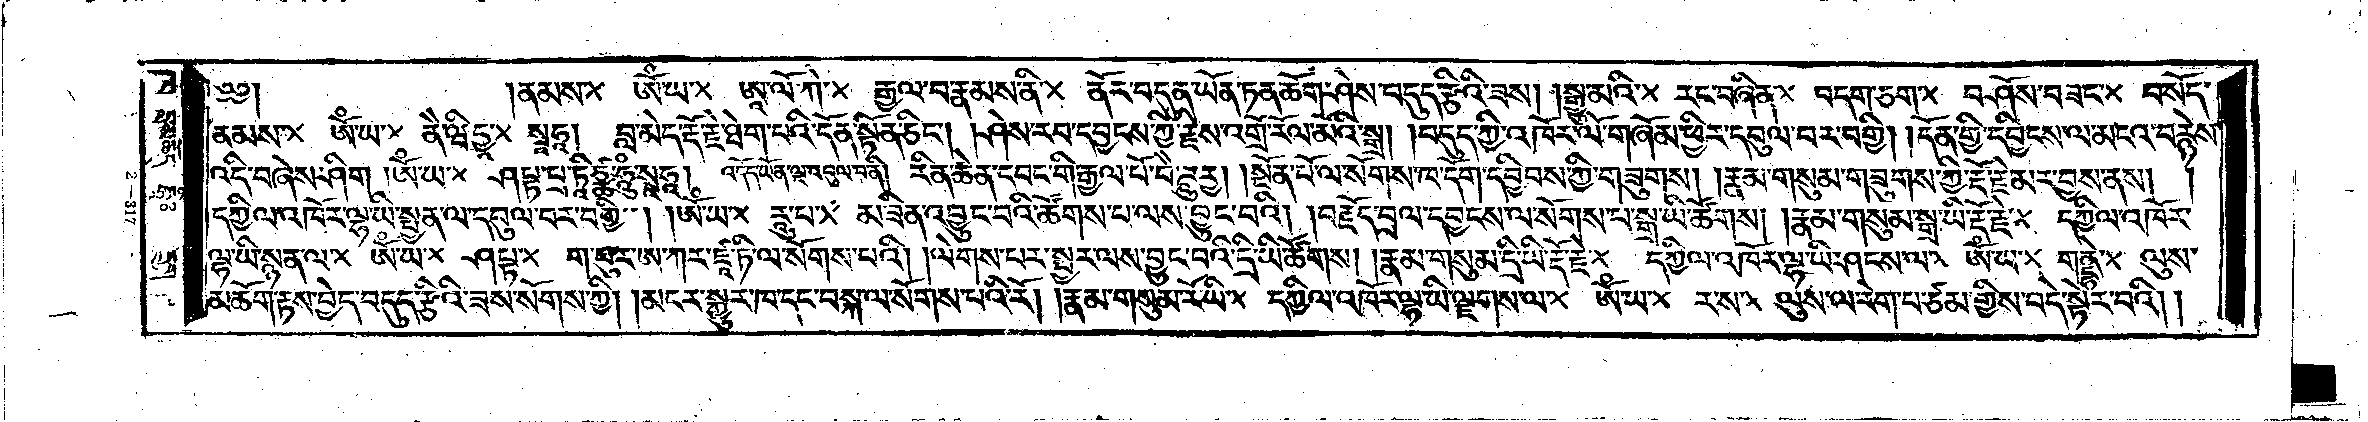༄༅། །ནམས྾་ཨོཾ་ཡ྾་ཨཱ་ལོ་ཀེ྾་རྒྱལ་བ་རྣམས་ནི྾་ནོར་བདུན་ཡོན་ཏན་ཆོག་ཤེས་བདུད་རྩིའི་ཟས། །སྒྱུ་མའི྾་རང་བཞིན྾་བདག་ཅག྾་བཤོས་བཟང྾་བསོད་
ནམས྾་ཨོཾ་ཡ྾་ནཻ་ཝྱིདྱཱ྾་སྭཱཧཱ། བླ་མེད་རྡོ་རྗེ་ཐེག་པའི་དོན་སྟོན་ཅིང་། །ཤེས་རབ་དབྱངས་ཀྱི་རྗེས་འགྲོ་རོལ་མོའི་སྒྲ། །བདུད་ཀྱི་འཁོར་ལོ་གཞོམ་ཕྱིར་དབུལ་བར་བགྱི། །དོན་གྱི་དབྱིངས་ལ་མངའ་བརྙེས་
འདི་བཞེས་ཤིག །ཨོཾ་ཡ྾་ཤཔྟ་པྲ་ཏཱིཙྪ་ཧཱུཾ་སྭཱཧཱ། འདོད་ཡོན་ལྔ་འབུལ་བ་ནི།  རིན་ཆེན་དབང་གི་རྒྱལ་པོ་བཻ་ཌཱུརྒྱ། །སྔོན་པོ་ལ་སོགས་ཁ་དོག་དབྱིབས་ཀྱི་གཟུགས། །རྣམ་གསུམ་གཟུགས་ཀྱི་རྡོ་རྗེ་མར་བྱས་ནས། །
དཀྱིལ་འཁོར་ལྷ་ཡི་སྤྱན་ལ་དབུལ་བར་བགྱི། །ཨོཾ་ཡ྾་རཱུ་པ྾་མ་ཟིན་འབྱུང་བའི་ཚོགས་པ་ལས་བྱུང་བའི། །བརྗོད་བྲལ་དབྱངས་ལ་སོགས་པ་སྒྲ་ཡི་ཚོགས། །རྣམ་གསུམ་སྒྲ་ཡི་རྡོ་རྗེ྾་དཀྱིལ་འཁོར་
ལྷ་ཡི་སྙན་ལ྾་ཨོཾ་ཡ྾་ཤཔྟ྾་ག་པུར་ཨ་ཀར་ཛཱ་ཏི་ལ་སོགས་པའི། །ལེགས་པར་སྤྱར་ལས་བྱུང་བའི་དྲི་ཡི་ཚོགས། །རྣམ་གསུམ་དྲི་ཡི་རྡོ་རྗེ྾་དཀྱིལ་འཁོར་ལྷ་ཡི་ཤངས་ལ྾་ཨོཾ་ཡ྾་གནྡྷེ྾་ལུས་
མཆོག་རྟས་བྱེད་བདུད་རྩིའི་ཟས་སོགས་ཀྱི། །མངར་སྐྱུར་ཁ་དང་བསྐལ་སོགས་པའི་རོ། །རྣམ་གསུམ་རོ་ཡི྾་དཀྱིལ་འཁོར་ལྷ་ཡི་ལྗགས་ལ྾་ཨོཾ་ཡ྾་ར་ས྾་ལུས་ལ་རེག་པ་ཙམ་གྱིས་བདེ་སྟེར་བའི།།